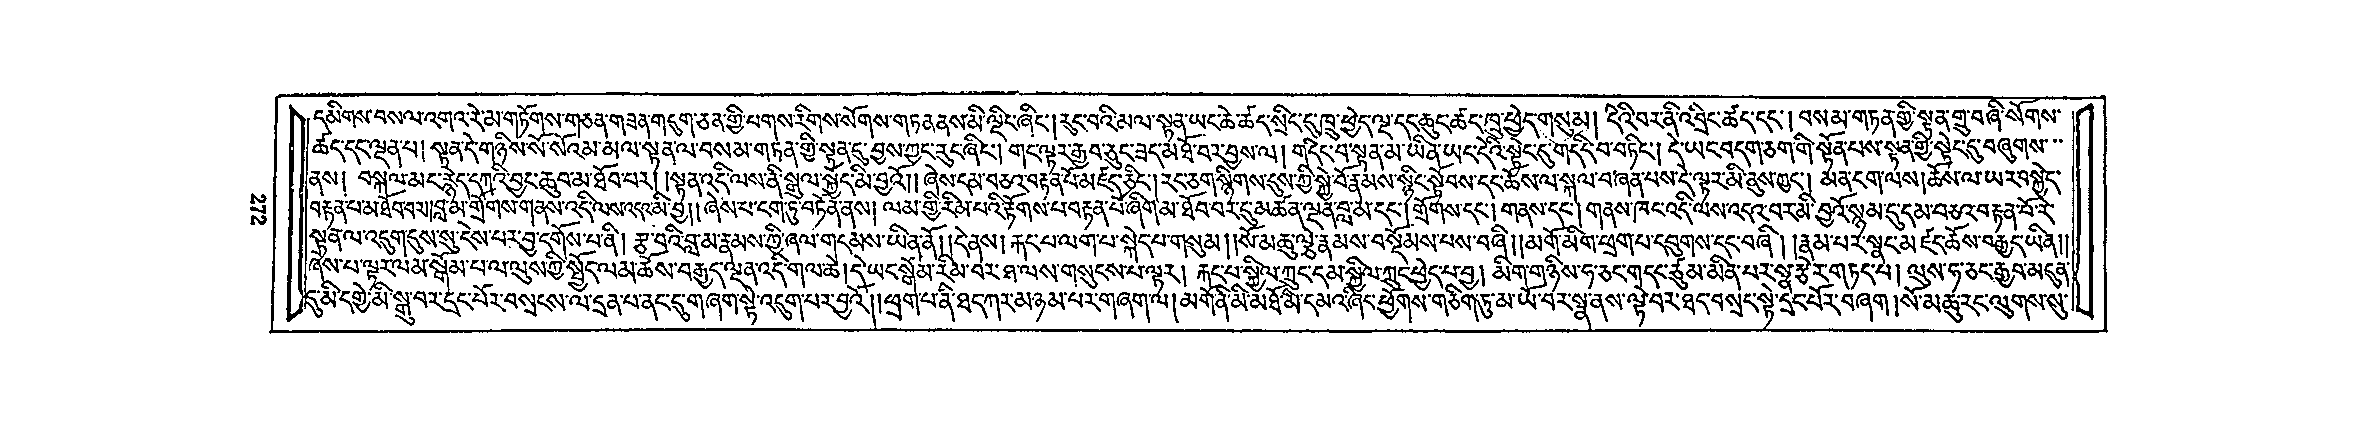དམིགས་བསལ་འགའ་རེ་མ་གཏོགས་གཅན་གཟན་གདུག་ཅན་གྱི་པགས་རིགས་སོགས་གཏན་ནས་མི་ལྡིང་ཞིང་། རུང་བའི་མལ་སྟན་ཡང་ཆེ་ཚད་སྲིད་དུ་ཁྲུ་ཕྱེད་ལྔ་དང་ཆུང་ཚད་ཁྲུ་ཕྱེད་གསུམ། དེའི་བར་ནི་འབྲིང་ཚད་དང་། བསམ་གཏན་གྱི་སྟན་གྲུ་བཞི་སོགས་
ཚད་དང་ལྡན་པ། སྟན་དེ་གཉིས་སོ་སོའམ་མལ་སྟན་ལ་བསམ་གཏན་གྱི་སྟན་དུ་བྱས་ཀྱང་རུང་ཞིང་། གང་ལྟར་རྒྱབ་ཅུང་ཟད་མཐོ་བར་བྱས་ལ། གདིང་བ་སྟན་མ་ཡིན་ཡང་དེའི་སྟེང་དུ་གདིད་བ་བཏིང་། དེ་ཡང་བདག་ཅག་གི་སྟོན་པས་སྟན་གྱི་སྟེང་དུ་བཞུགས་
ནས། བསྐལ་མང་རྙེད་དཀའི་བྱང་ཆུབ་མ་ཐོབ་པར། སྟན་འདི་ལས་ནི་སྒུལ་སྐྱོད་མི་བྱའོ། །ཞེས་དམ་བཅའ་བརྟན་པོ་མཛད་ཅིང་། རང་ཅག་སྙིགས་དུས་ཀྱི་སྐྱེ་བོ་རྣམས་སྙིང་སྟོབས་དང་ཆོས་ལ་སྐལ་བ་ཞན་པས་དེ་ལྟར་མི་ནུས་ཀྱང་། མན་ངག་ལས། ཆོས་ལ་ཡར་བསྐྱེད་
བརྟན་པ་མ་ཐོབ་པར། བླ་མ་གྲོགས་གནས་འདི་ལས་འདའ་མི་བྱ། །ཞེས་པ་ངག་ཏུ་བཏོན་ནས། ལམ་གྱི་རིམ་པའི་རྟོགས་པ་བརྟན་པོ་ཞིག་མ་ཐོབ་བར་དུ་མཚན་ལྡན་བླ་མ་དང་། གྲོགས་དང་། གནས་དང་། གནས་ཁང་འདི་ལས་འདའ་བར་མི་བྱའོ་སྙམ་དུ་དམ་བཅའ་བརྟན་པོ་རེ་
སྟན་ལ་འདུག་དུས་སུ་ངེས་པར་བྱ་དགོས་པ་ནི། རྩ་བའི་བླ་མ་རྣམས་ཀྱི་ཞལ་གདམས་ཡིན་ནོ། །དེ་ནས། རྐང་པ་ལག་པ་སྐེད་པ་གསུམ། །སོ་མཆུ་ལྕེ་རྣམས་བསྡོམས་པས་བཞི། །མགོ་མིག་ཕྲག་པ་དབུགས་དང་བཞི། །རྣམ་པར་སྣང་མཛད་ཆོས་བརྒྱད་ཡིན། །
ཞེས་པ་ལྟར་ལམ་སྒོམ་པ་ལ་ལུས་ཀྱི་སྤྱོད་ལམ་ཆོས་བརྒྱད་ལྡན་འདི་གལ་ཆེ། དེ་ཡང་སྒོམ་རིམ་བར་ཐ་ལས་གསུངས་པ་ལྟར། རྐང་པ་སྐྱིལ་ཀྲུང་དམ་སྐྱིལ་ཀྲུང་ཕྱེད་པ་བྱ། མིག་གཉིས་ཧ་ཅང་གདང་ཙུམ་མིན་པར་སྣ་རྩེར་གཏད་པ། ལུས་ཧ་ཅང་རྒྱབ་མདུན་
དུ་མི་དགྱེ་མི་སྒུ་བར་དྲང་པོར་བསྲངས་ལ་དྲན་པ་ནང་དུ་གཞག་སྟེ་འདུག་པར་བྱའོ། །ཕྲག་པ་ནི་ཐད་ཀར་མཉམ་པར་གཞག་ལ། མགོ་ནི་མི་མཐོ་མི་དམའ་ཞིང་ཕྱོགས་གཅིག་ཏུ་མ་ཡོ་བར་སྣ་ནས་ལྟེ་བར་ཐད་བསྲང་སྟེ་དྲང་པོར་བཞག །སོ་མཆུ་རང་ལུགས་སུ་